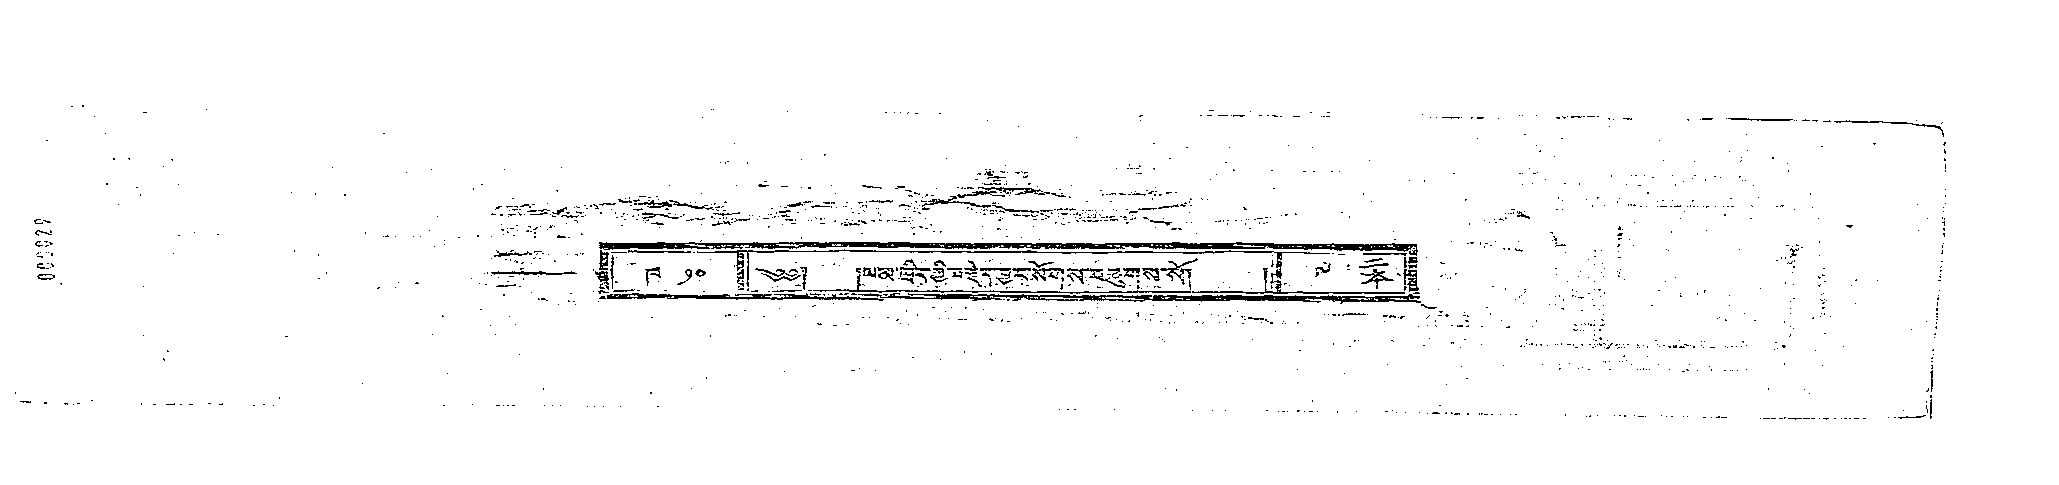ཏ ༢?
ཁ ༡༠་༄༅། །ལམ་ཁྲིད་ཀྱི་བརྗེད་བྱང་སོགས་བཞུགས་སོ། ། ༧